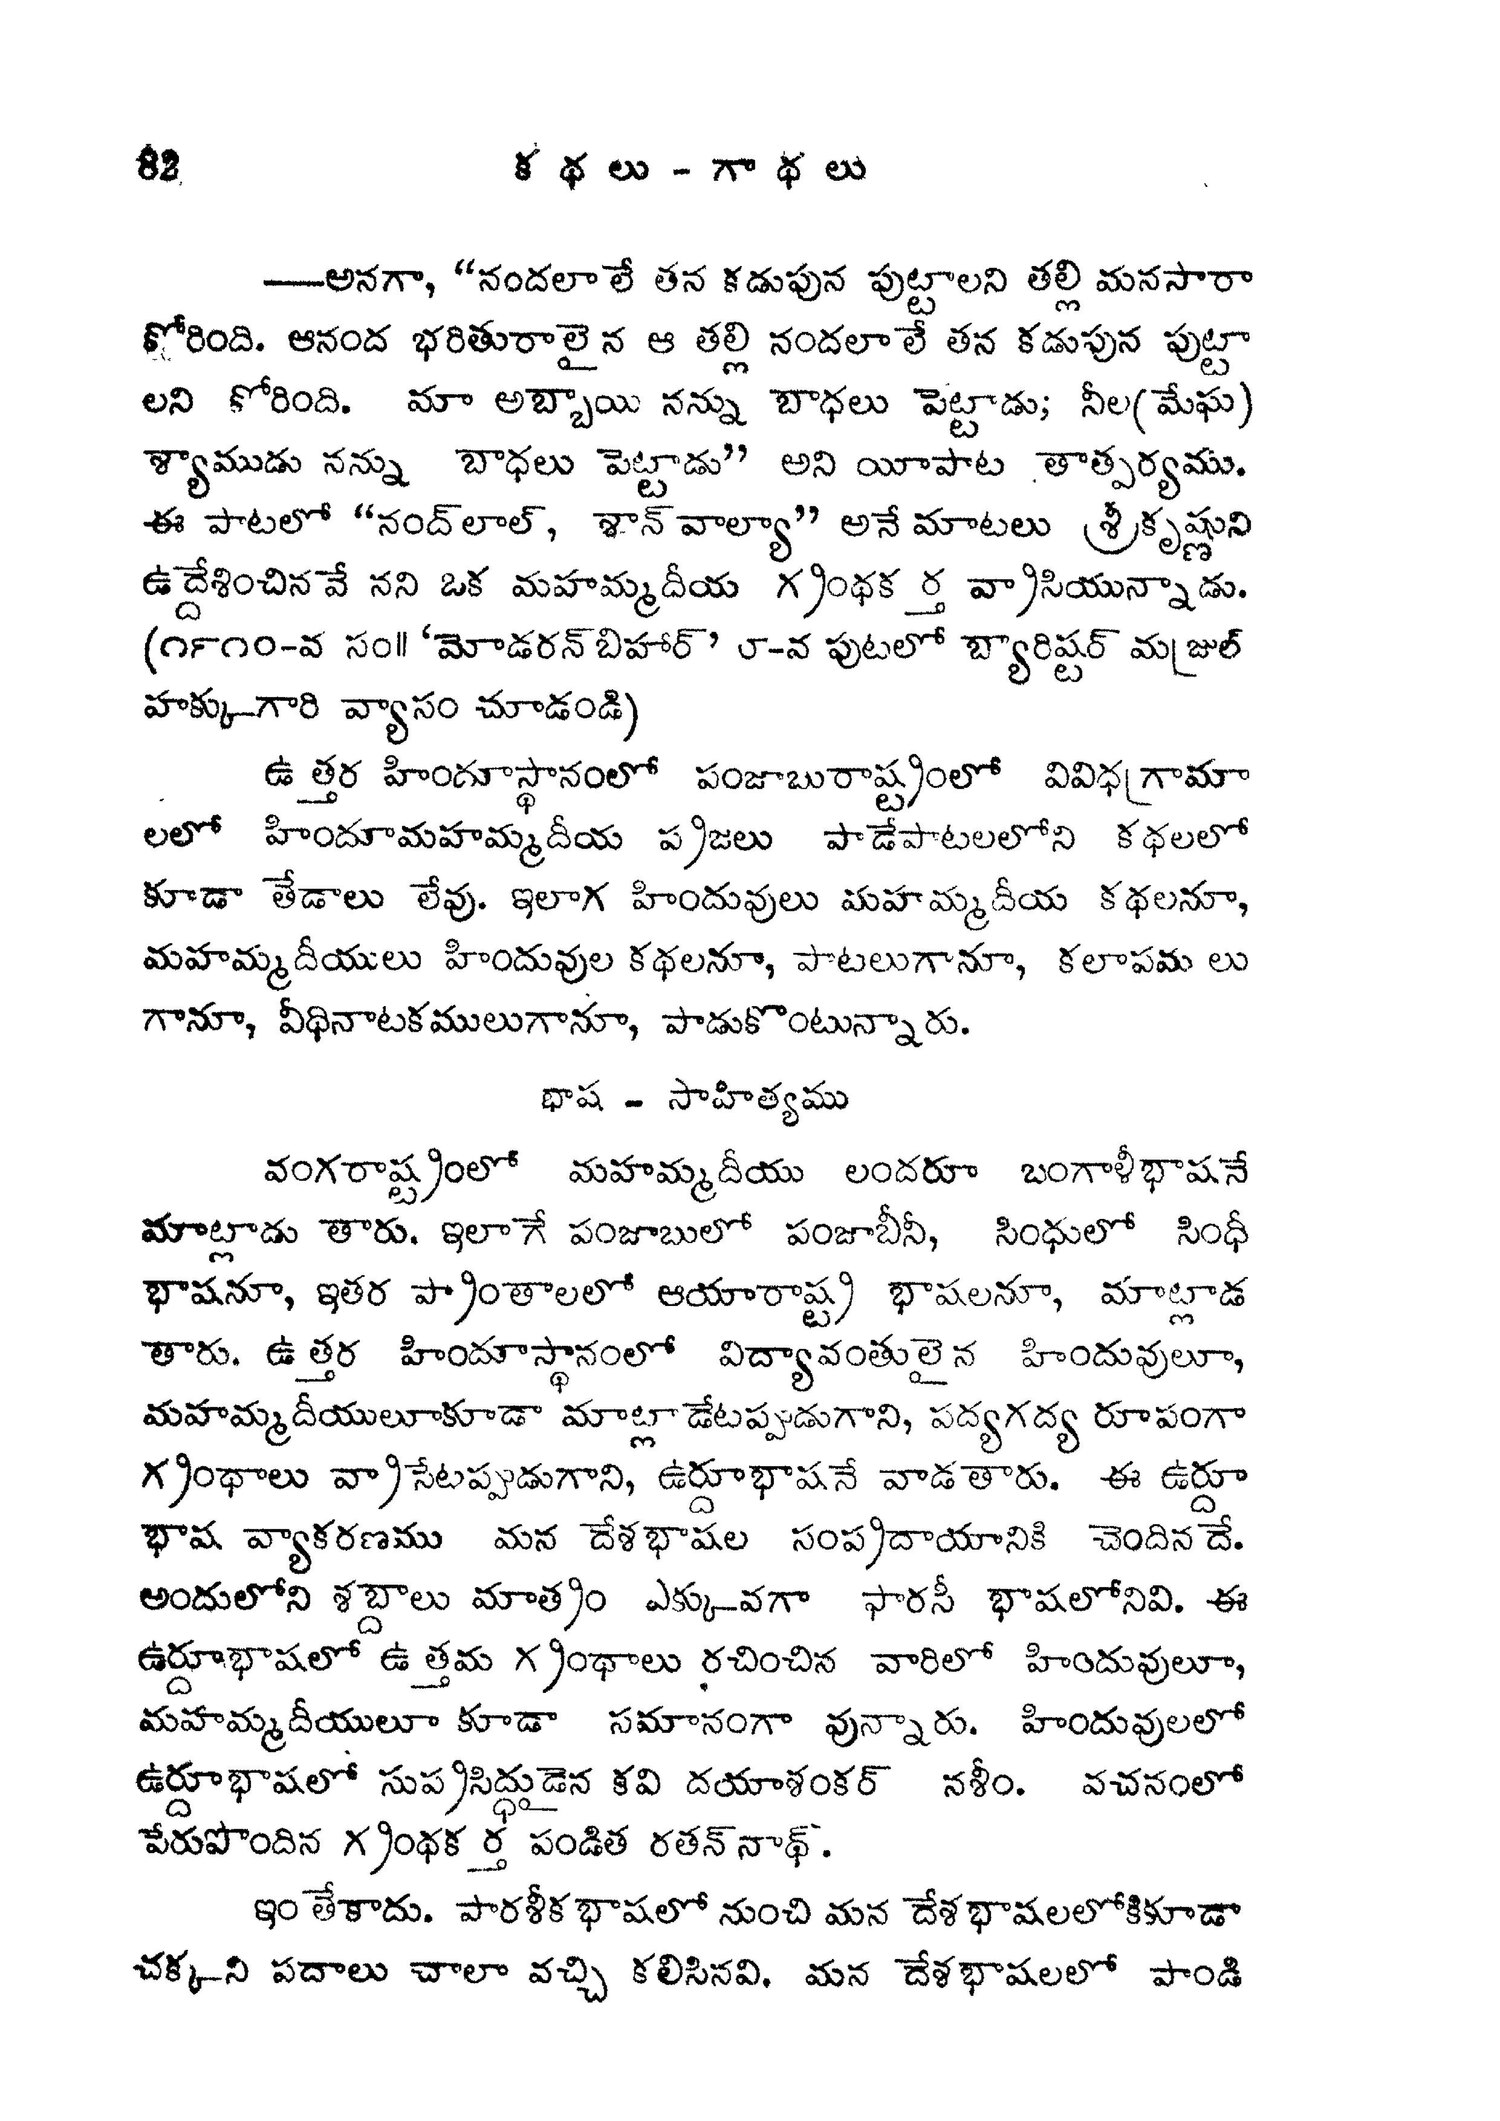---అనగా, "నందలాలే తన కడుపున పుట్టాలని తల్లి మనసారా కోరింది. ఆనంద భరితురాలైన ఆ తల్లి నందలాలే తన కడుపున పుట్టాలని కోరింది. మా అబ్బాయి నన్ను బాధలు పెట్టాడు, నీల(మేఘ)శ్యాముడు నన్ను బాధలు పెట్టాడు" అని యీపాట తాత్పర్యము, ఈపాటలో "నంద్ లాల్, శాన్ వాల్యా" అనే మాటలు శ్రీకృష్ణుని ఉద్దేశించినవే నని ఒక మహమ్మదీయ గ్రంధకర్త వ్రాసియున్నాడు. (1910- వసం॥ 'మోడరన్ బీహార్ ' 8 వ పుటలో బ్యారిష్టరు ముజ్రుల్ హక్కుగారి వ్యాసం చూడండి)

ఉత్తర హిందూస్థానంలో పంజాబురాష్ట్రంలో వివిధగ్రామాలలో హిందూ మహమ్మదీయ ప్రజలు పాడేపాటలలోని కధలలోకూడా తేడాలు లేవు. ఇలాగ హిందువులు మహమ్మదీయ కధలనూ, మహమ్మదీయులు హిందువుల కధలనూ, పాటలుగానూ, కలాపములుగానూ, వీధినాటకములుగానూ, పాడుకొంటున్నారు.

వంగరాష్ట్రంలో మహమ్మదీయు లందరూ బంగాళీభాషనే మాట్లాడుతారు. ఇలాగే పంజాబులోని పంజాబీని, సింధులో సింధీ భాషనూ, ఇతర ప్రాంతాలలో ఆయారాష్ట్ర భాషలనూ, మాట్లాడుతారు. ఉత్తర హిందూస్థానంలో విద్యావంతులైన హిందువులూ, మహమ్మదీయులూకూడా మాట్లాడేటప్పుడుగాని, పద్యగద్య రూపంగా గ్రంధాలు వ్రాసేటప్పుడుగాని, ఉర్దూభాషనే వాడతారు. ఈ ఉర్దూ భాష వ్యాకరణము మన దేశభాషల సంప్రదాయానికి చెందినదే. అందులోని శబ్దాలు మాత్రం ఎక్కువగా ఫారసీ భాషలోనివి. ఈ ఉర్దూభాషలో ఉత్తమ గ్రంధాలు రచించిన వారిలో హిందువులూ, మహమ్మదీయులూ కూడా సమానంగా వున్నారు. హిందువులలో ఉర్దూభాషలో సుప్రసిధ్దమైన కవి దయాశంకర్ నశీం, వచనంలో పేరొందిన గ్రంధకర్త పండిత రతన్ నాధ్.

ఇంతేకాదు, పారశీకభాషలో నుంచి మన దేశభాషలలోనికికూడా చక్కని పదాలు చాలా వచ్చి కలిసినవి. మన దేశభాషలలో పాండి